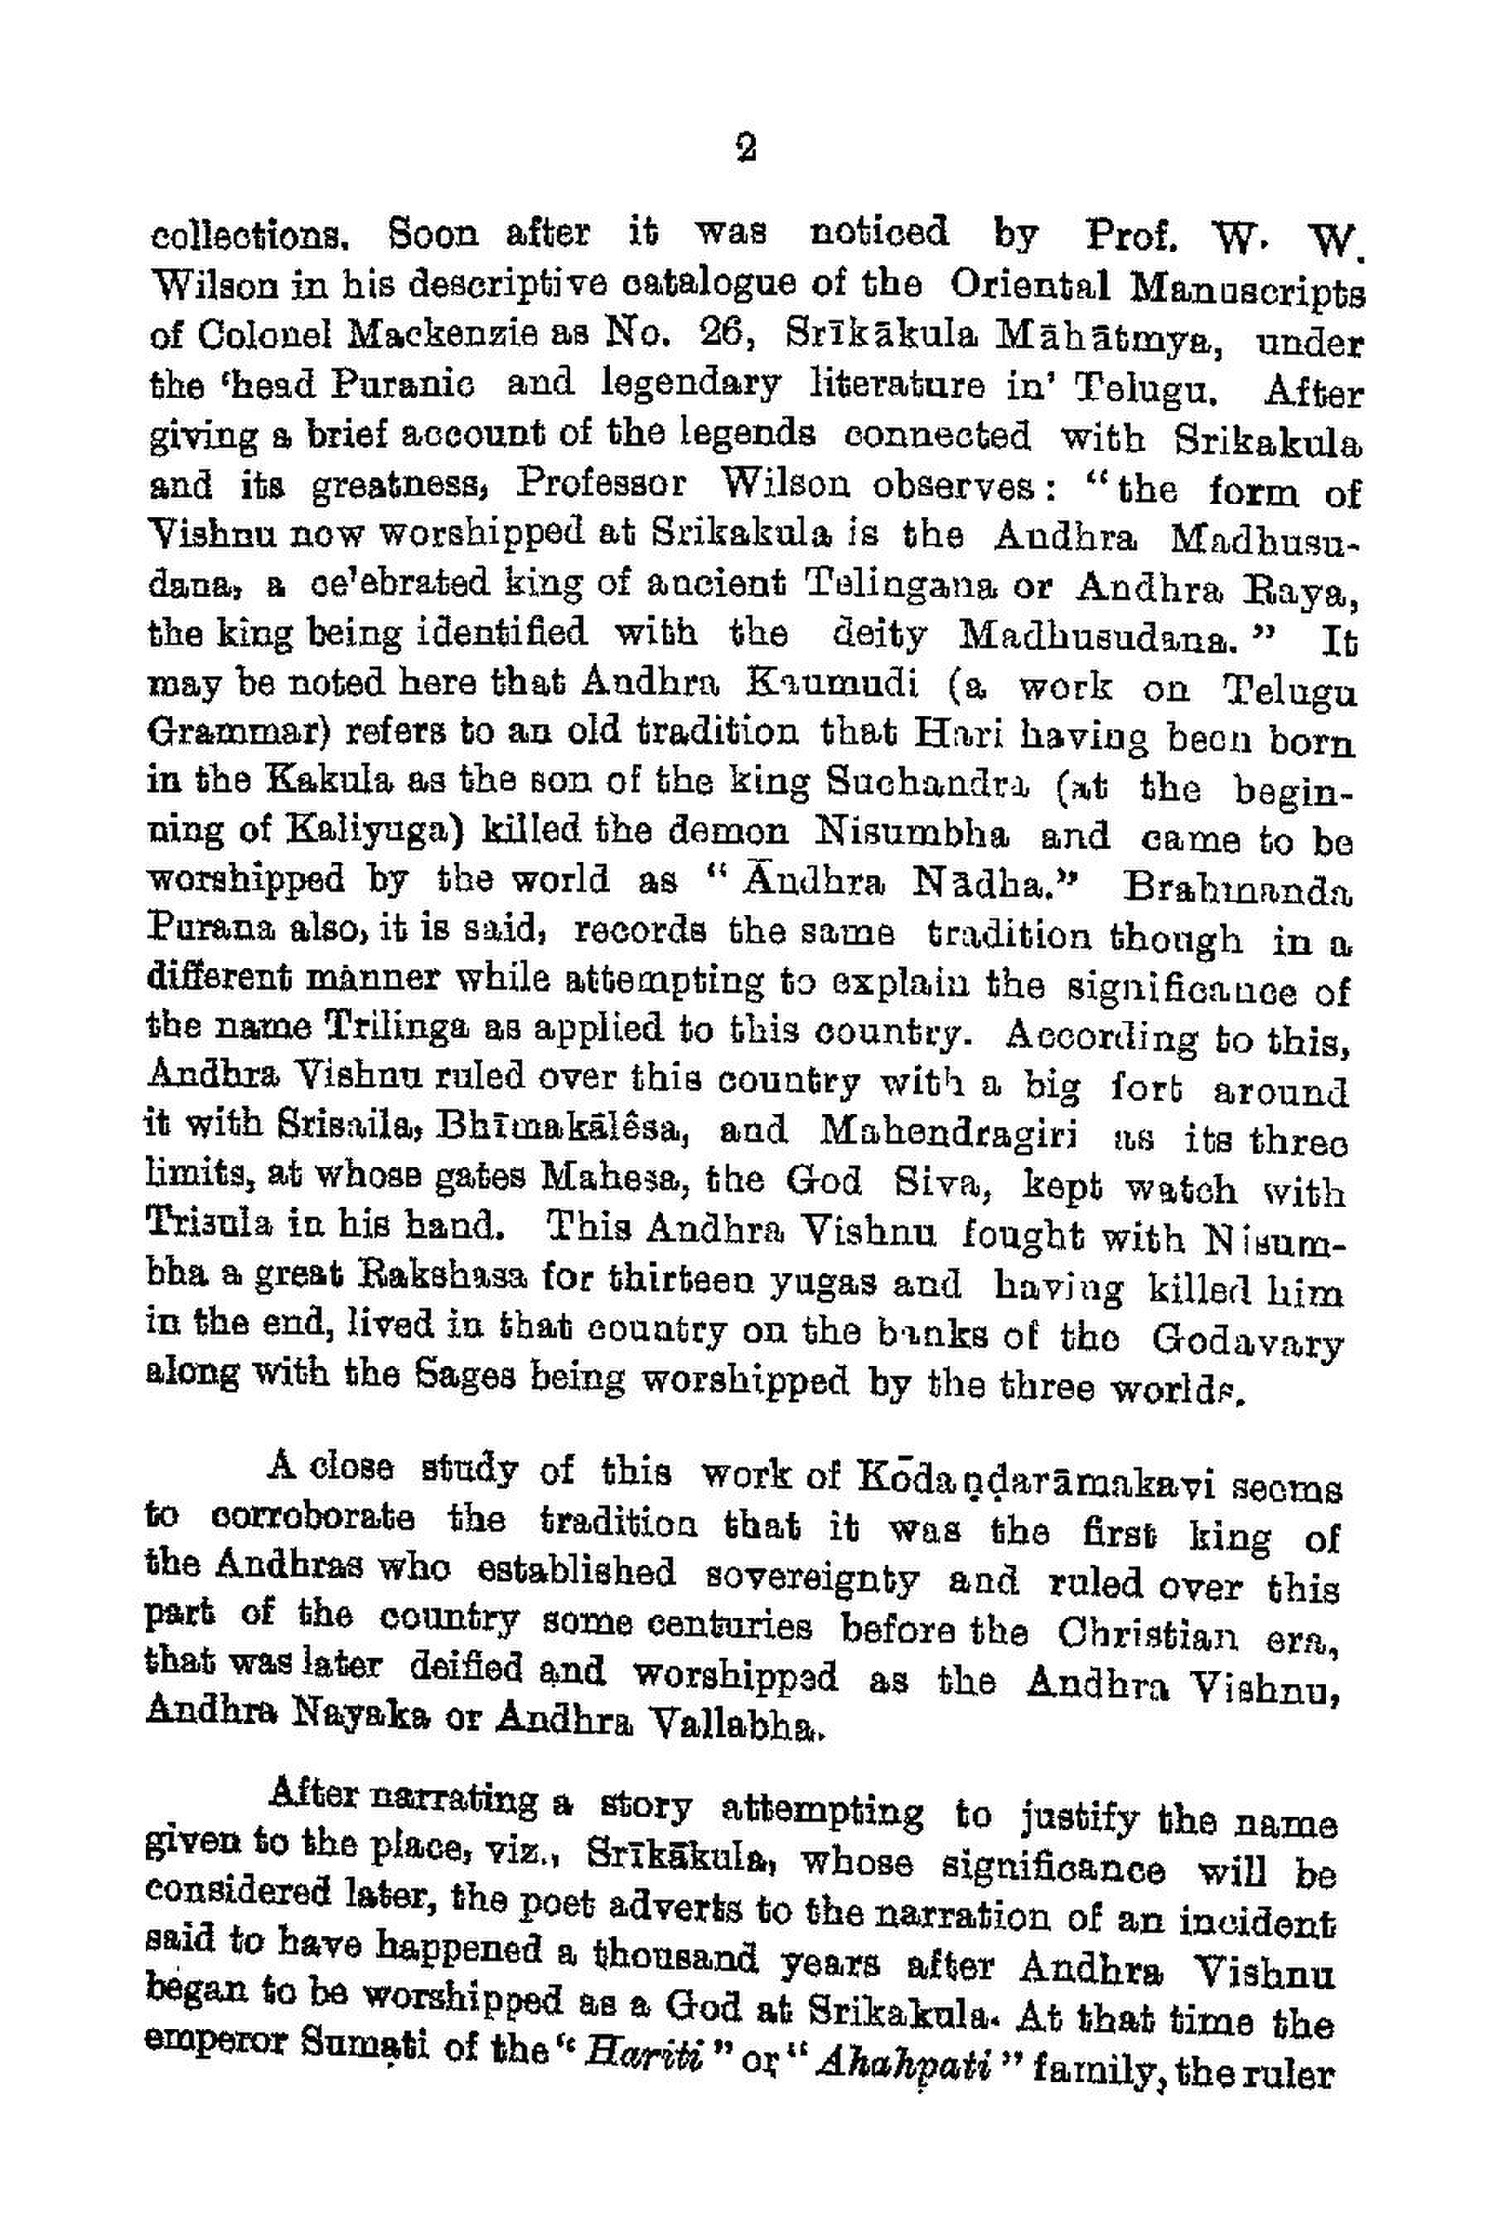collections. Soon after it was noticed by Prof. W. W. Wilson in his descriptive catalogue of the Oriental Manuscripts of Colonel Mackenzie as No. 26, Srīkākula Mähātmya, under the 'head Puranic and legendary literature in' Telugu. After giving a brief account of the legends connected with Srikakula
and its greatness, Professor Wilson observes: "the form of Vishnu now worshipped at Srikakula is the Andhra Madhusudana, a celebrated king of ancient Telingana or Andhra Raya, the king being identified with the deity Madhusudana. " It may be noted here that Andhra Kaumudi (a work on Telugu Grammar) refers to an old tradition that Hari having been born in the Kakula as the son of the king Suchandra (at the beginning of Kaliyuga) killed the demon Nisumbha and came to be worshipped by the world as "Āndhra Nādha." Brahmanda Purana also, it is said, records the same tradition though in a different manner while attempting to explain the significance of the name Trilinga as applied to this country. According to thisAndhra Vishnu ruled over this country with a big fort around it with Srisaila, Bhimakālêsa, and Mahendragiri as its three limits, at whose gates Mahesa, the God Siva, kept watch with Trisula in his band. This Andhra Vishnu fought with Nisumbha a great Rakshasa for thirteen yugas and having killed him in the end, lived in that country on the banks of the Godavary along with the Sages being worshipped by the three worlds.

A close study of this work of Kodaṇḍarāmakavi seems to corroborate the tradition that it was the first king of the Andhras who established sovereignty and ruled over this part of the country some centuries before the Christian era, that was later deified and worshipped as the Andhra Vishnu, Andhra Nayaka or Andhra Vallabha.

After narrating a story attempting to justify the name given to the place, viz., Srīkākula, whose significance will be considered later, the poet adverts to the narration of an incident said to have happened a thousand years after Andhra Vishnu began to be worshipped as a God at Srikakula. At that time the emperor Sumati of the "Hariti" or "Ahahpati" family, the ruler